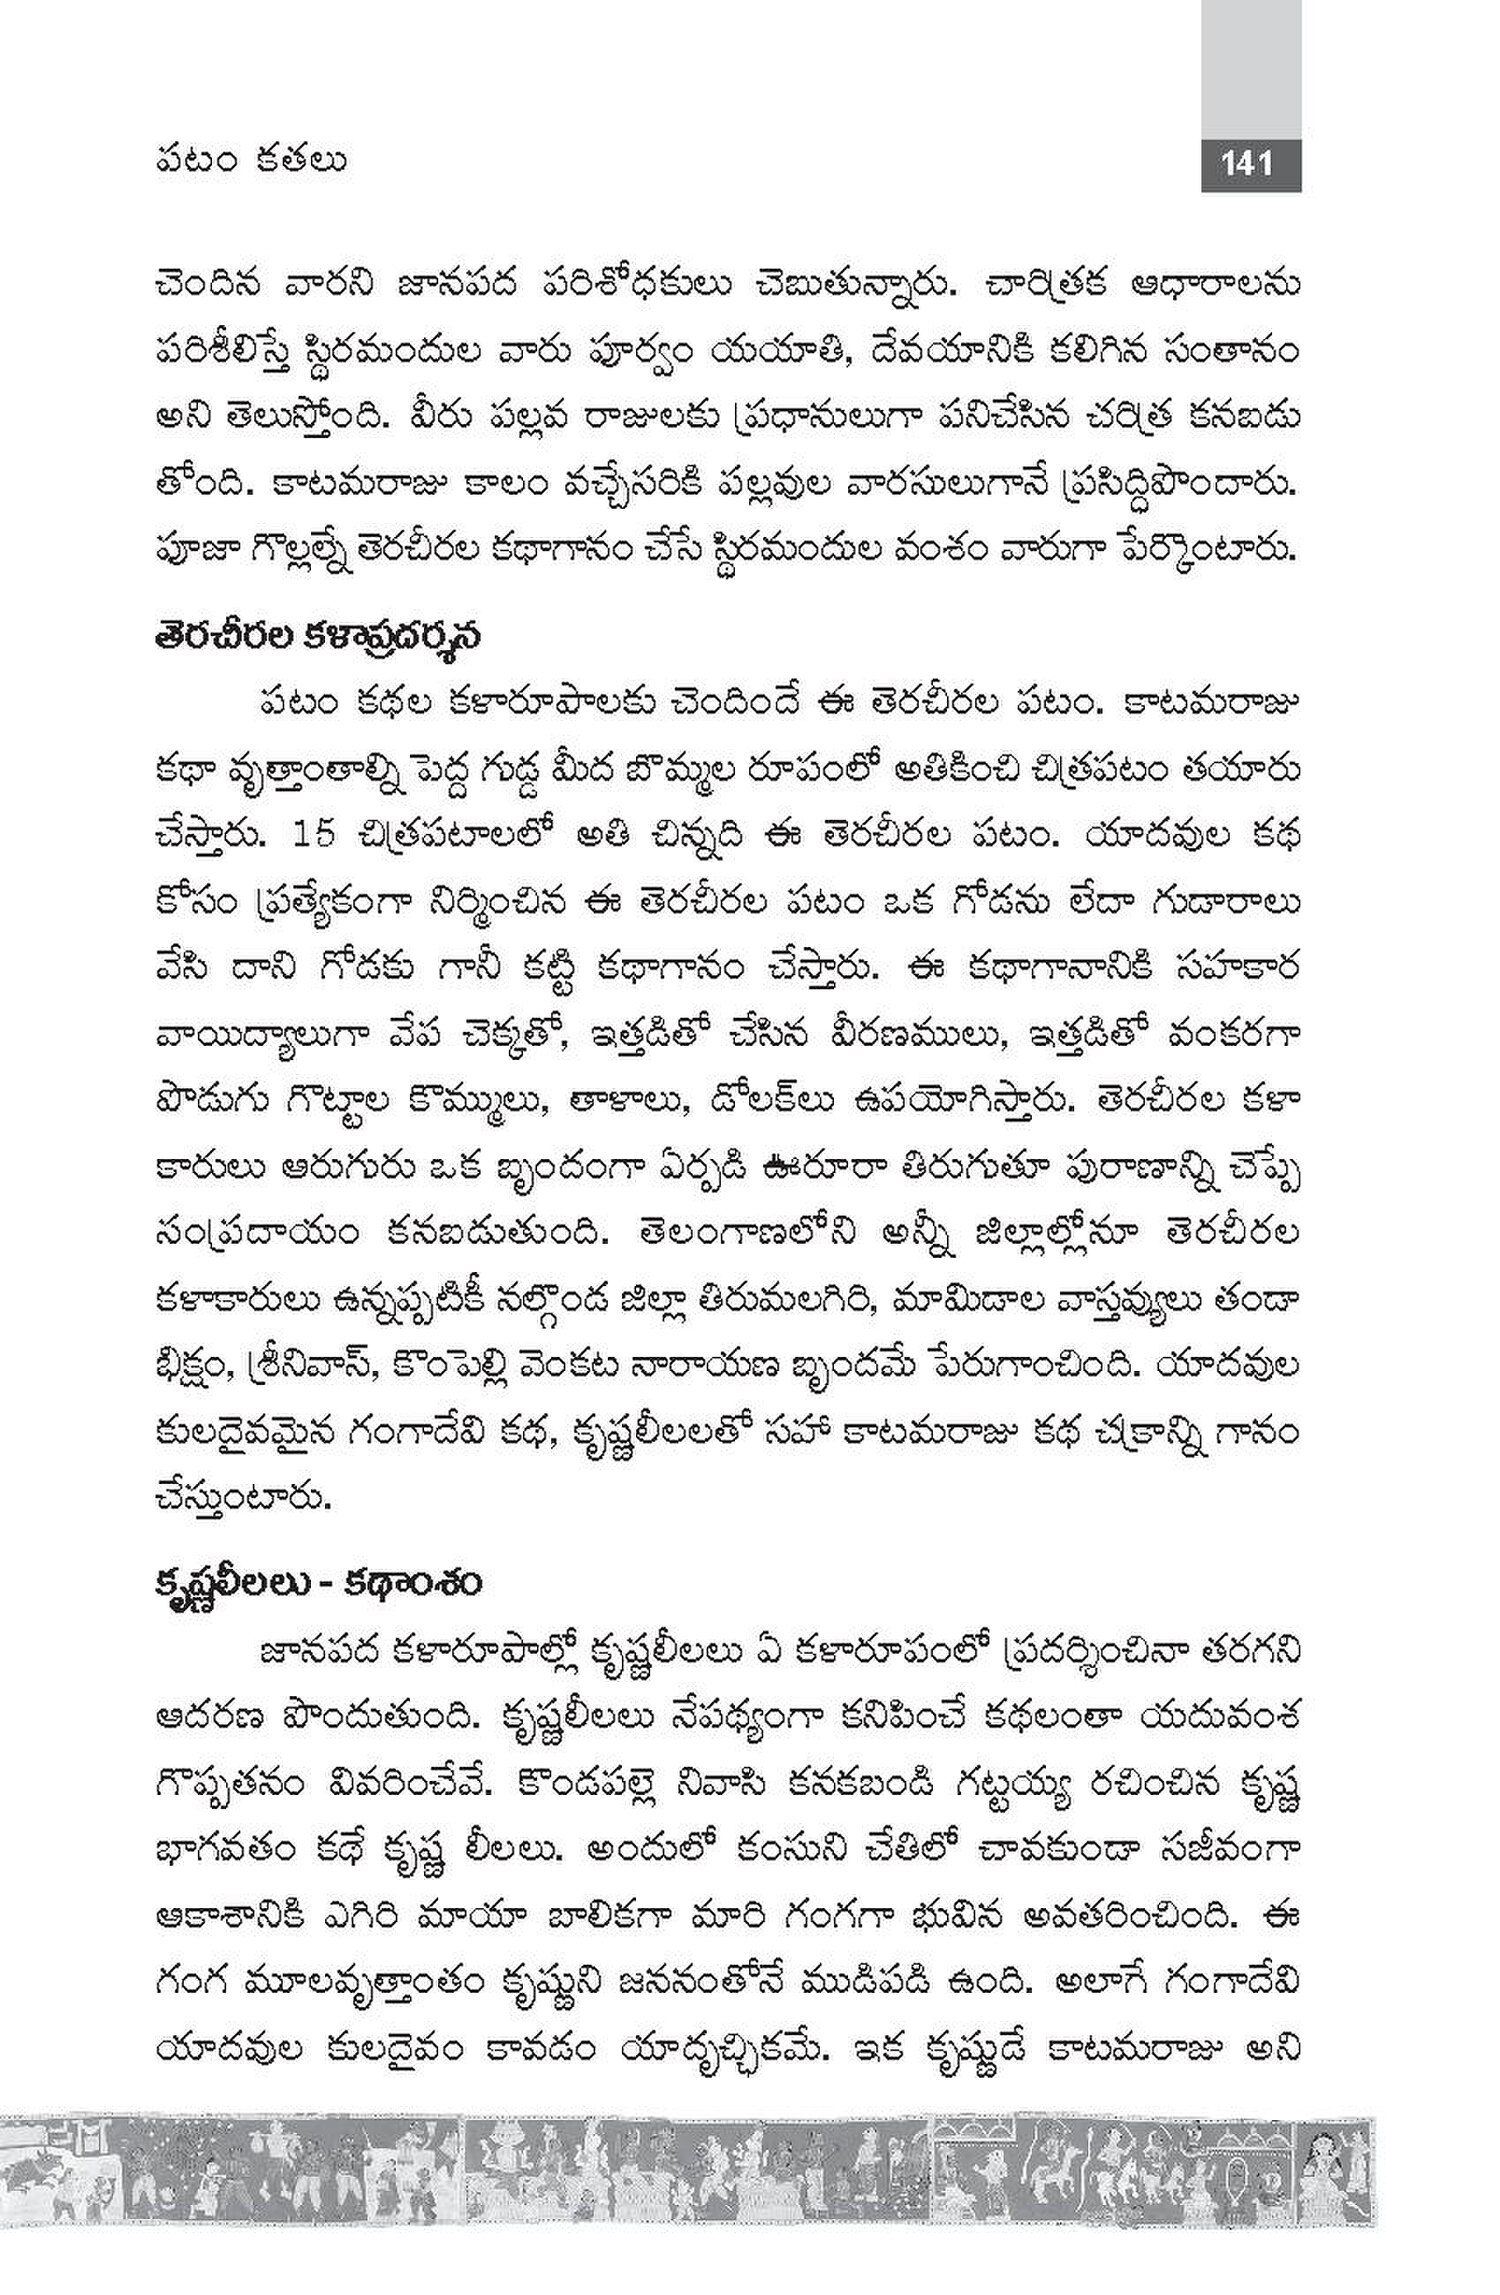చెందిన వారని జానపద పరిశోధకులు చెబుతున్నారు. చారిత్రక ఆధారాలను పరిశీలిస్తే స్థిరమందుల వారు పూర్వం యయాతి, దేవయానికి కలిగిన సంతానం అని తెలుస్తోంది. వీరు పల్లవ రాజులకు ప్రధానులుగా పనిచేసిన చరిత్ర కనబడుతోంది. కాటమరాజు కాలం వచ్చేసరికి పల్లవుల వారసులుగానే ప్రసిద్ధిపొందారు. పూజా గొల్లల్నే తెరచీరల కథాగానం చేసే స్థిరమందుల వంశం వారుగా పేర్కొంటారు.

తెరచీరల కళా ప్రదర్శన 

పటం కథల కళారూపాలకు చెందిందే ఈ తెరచీరల పటం. కాటమరాజు కథా వృత్తాంతాల్ని పెద్ద గుడ్డ మీద బొమ్మల రూపంలో అతికించి చిత్రపటం తయారు చేస్తారు. 15 చిత్రపటాలలో అతి చిన్నది ఈ తెరచీరల పటం. యాదవుల కథ
కోసం ప్రత్యేకంగా నిర్మించిన ఈ తెరచీరల పటం ఒక గోడను లేదా గుడారాలు వేసి దాని గోడకు గానీ కట్టి కథాగానం చేస్తారు. ఈ కథాగానానికి సహకార వాయిద్యాలుగా వేప చెక్కతో, ఇత్తడితో చేసిన వీరణములు, ఇత్తడితో వంకరగా
పొడుగు గొట్టాల కొమ్ములు, తాళాలు, దోలక్ లు ఉపయోగిస్తారు. తెరచీరల కళాకారులు ఆరుగురు ఒక బృందంగా ఏర్పడి ఊరూరా తిరుగుతూ పురాణాన్ని చెప్పే సంప్రదాయం కనబడుతుంది. తెలంగాణలోని అన్నీ జిల్లాల్లోనూ తెరచీరల
కళాకారులు ఉన్నప్పటికీ నల్గొండ జిల్లా తిరుమలగిరి, మామిడాల వాస్తవ్యులు తండా భిక్షం, శ్రీనివాస్, కొంపెల్లి వెంకట నారాయణ బృందమే పేరుగాంచింది. యాదవుల కులదైవమైన గంగాదేవి కథ, కృష్ణలీలలతో సహా కాటమరాజు కథ చక్రాన్ని గానం చేస్తుంటారు.

కృష్ణలీలలు - కథాంశం

జానపద కళారూపాల్లో కృష్ణలీలలు ఏ కళారూపంలో ప్రదర్శించినా తరగని ఆదరణ పొందుతుంది. కృష్ణలీలలు నేపథ్యంగా కనిపించే కథలంతా యదువంశ గొప్పతనం వివరించేవే. కొండపల్లె నివాసి కనకబండి గట్టయ్య రచించిన కృష్ణ భాగవతం కథే కృష్ణ లీలలు. అందులో కంసుని చేతిలో చావకుండా సజీవంగా ఆకాశానికి ఎగిరి మాయా బాలికగా మారి గంగగా భువిన అవతరించింది. ఈ గంగ మూలవృత్తాంతం కృష్ణుని జననంతోనే ముడిపడి ఉంది. అలాగే గంగాదేవి యాదవుల కులదైవం కావడం యాదృచ్ఛికమే. ఇక కృష్ణుడే కాటమరాజు అని